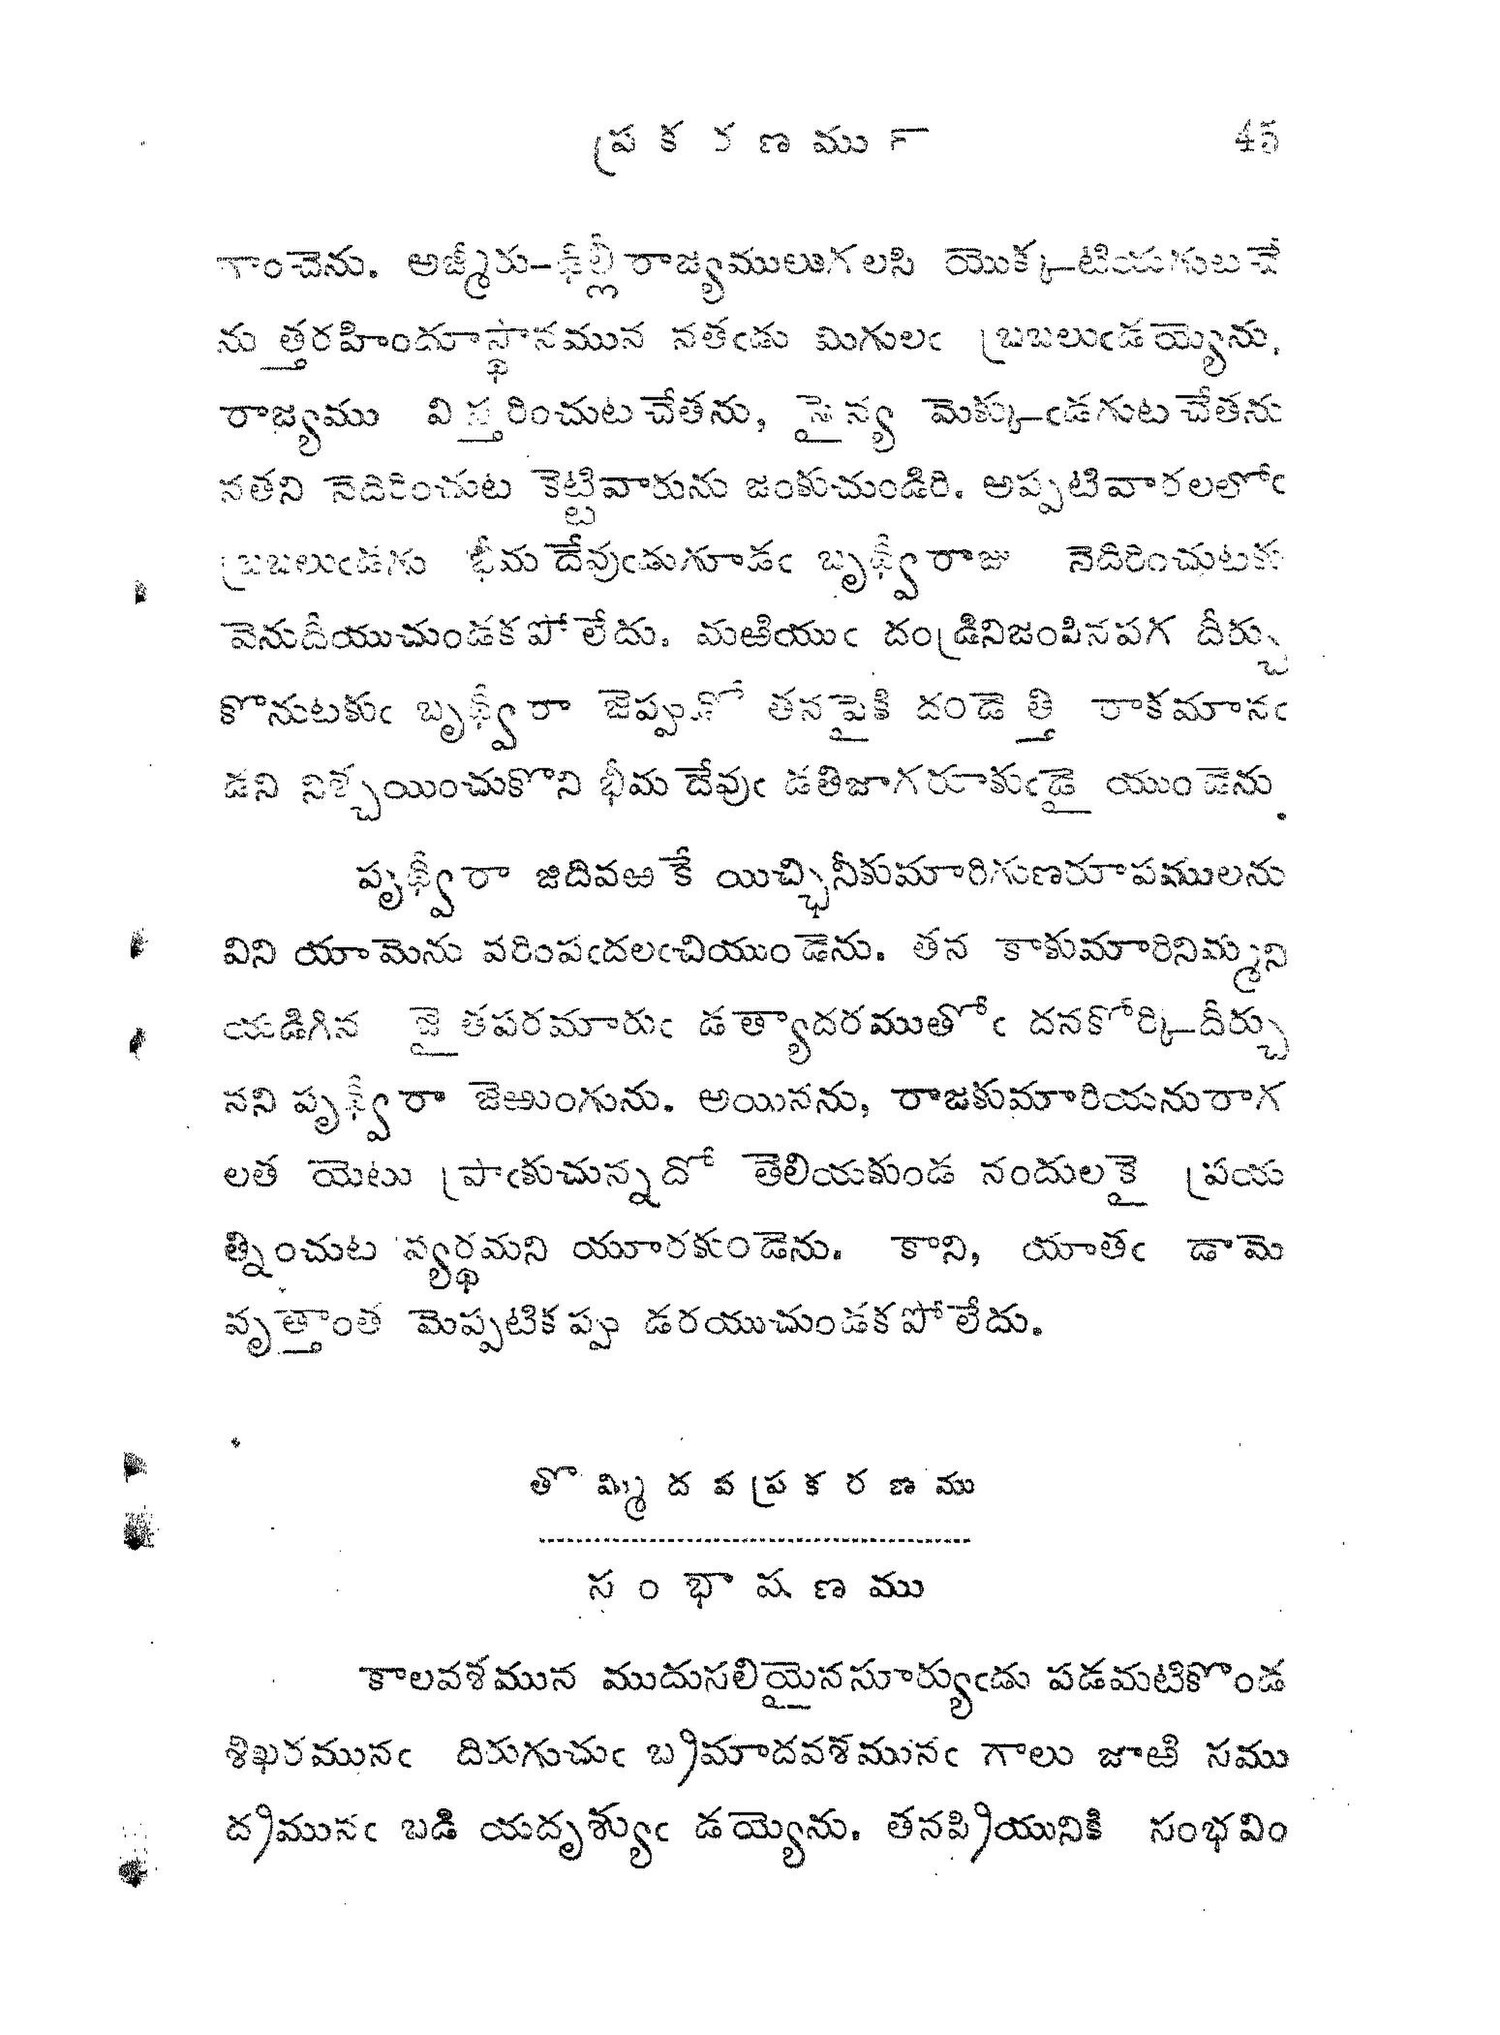కొంచెను. అజ్మీరు డిల్లీ రాజ్యములు గలసి యొక్కటియగుటచే నుత్తరహిందూస్థానమున నతఁడు మిగులఁ బ్రబలుఁడయ్యెను, రాజ్యము విస్తరించుట చేతను, సైన్య మెక్కుఁడగుట చేతను నతని నెదిరించుట కెట్టివారును జంకుచుండిరి. అప్పటివారలలో ప్రభలుడగు భీమ దేవుఁడు గూడఁ బృద్వీరాజు నెదిరించుటకు వెనుదీయుచుండక పోలేదు. మఱియుఁ దండ్రినిజంపినపగ దీర్చు కొనుటకుఁ బృద్వీరా జెప్పుడో తన పైకి దండెత్తి రాకమానఁ డని నిశ్చయించుకొని భీమ దేవుఁ డతి జాగరూశుఁడై యుండెను

పృద్వీరా జిదివఱ కే యిచ్ఛినీకుమారి గుణరూపములను విని యామెను వరింపఁదలఁచియుండెను. తన కాకుమారినిమ్మని యడిగిన జై తపరనూరుఁ డత్యాదరముతోఁ దనకోర్కి దీర్చు నని పృ్ద్వీరా జెఱుంగును. అయినను, రాజకుమారియనురాగ లత 'యెటు ప్రాకుచున్నదో తెలియకుండ నందులకై ప్రయ త్నించుట 'వ్యర్థమని యూరకుండెను. కాని, యాతఁ డామె వృత్తాంత మెప్పటికప్పు డరయుచుండక పోలేదు.

కాలవశమున ముదుసలియైన సూర్యుడు పడమటి కొండ శిఖరమునఁ దిరుగుచుఁ బ్రమాదవశమునఁ గాలు జాటి సము ద్రమునఁ బడి యదృశ్యుఁ డయ్యెను. తనప్రియునికి సంభవిం